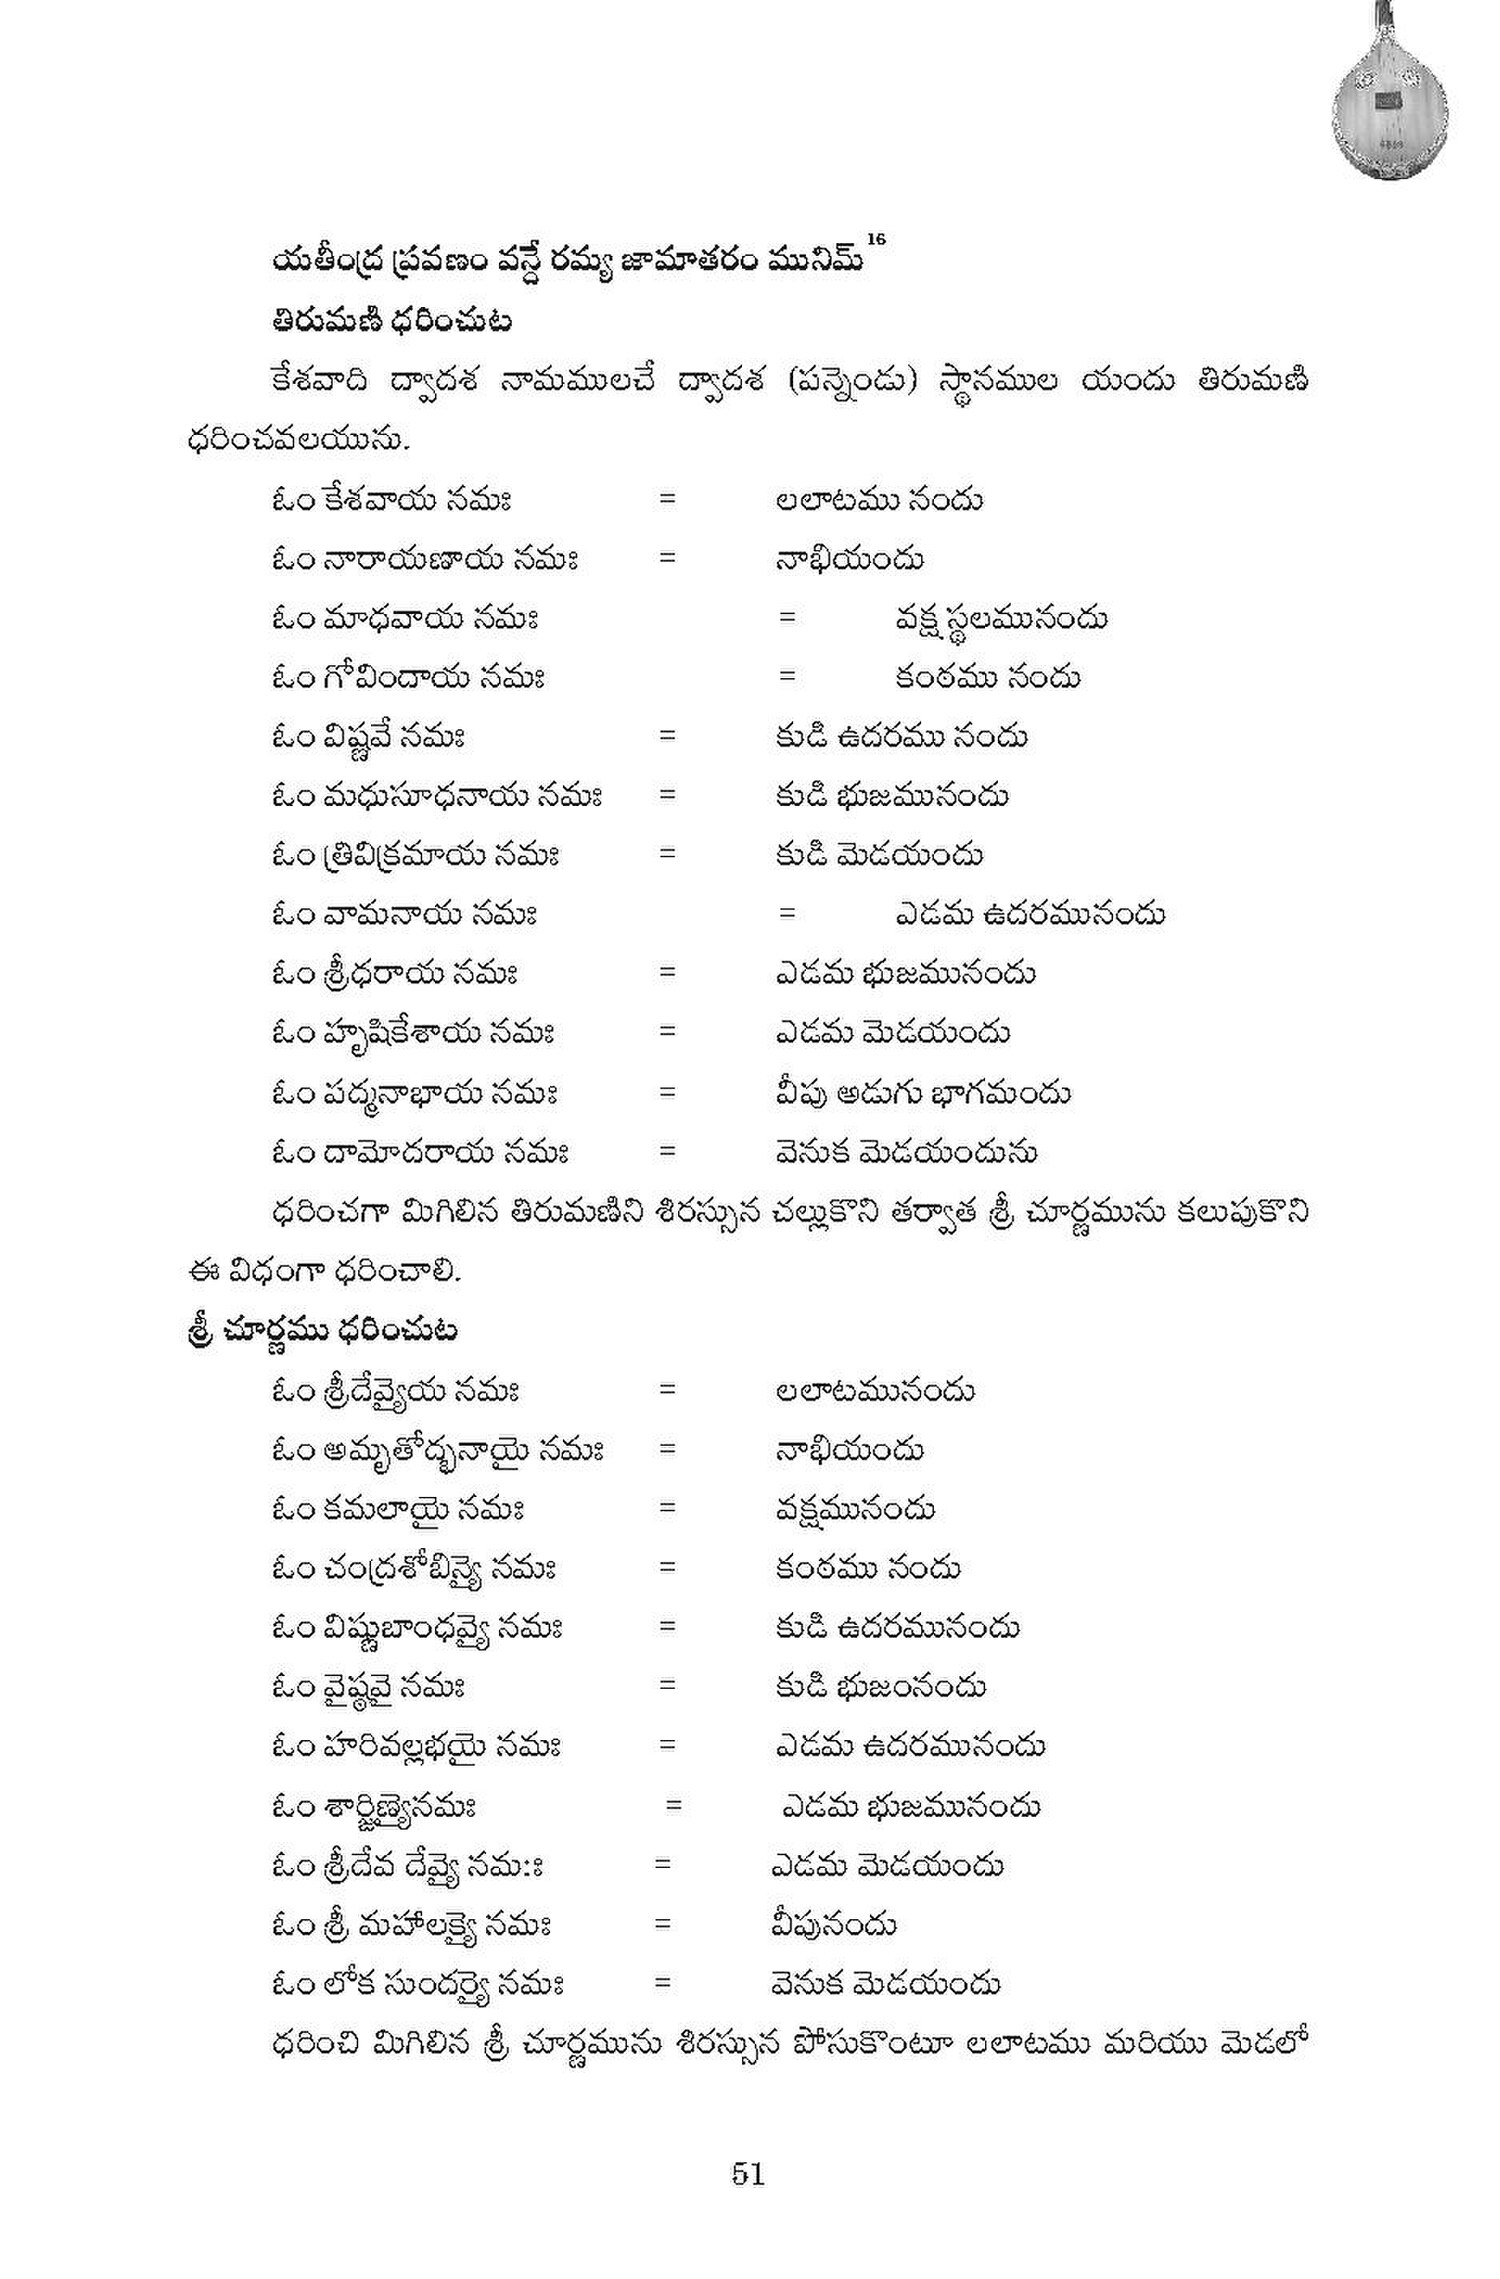యతీంద్ర ప్రవణం వన్దే రమ్య జామాతరం మునిమ్ 16

తిరుమణి ధరించుట

కేశవాది ద్వాదశ నామములచే ద్వాదశ (పన్నెండు) స్థానముల యందు తిరుమణి ధరించవలయును.
+ 1. ఓం కేశవాయ నమః లలాటము నందు 2. ఓం నారాయణాయ నమః నాభియందు 3. ఓం మాధవాయ నమః వక్ష స్థలమునందు 4. ఓం గోవిందాయ నమః కంఠము నందు 5. ఓం విష్ణవే నమః కుడి ఉదరము నందు 6. ఓం మధుసూధనాయ నమః కుడి భుజమునందు 7. ఓం త్రివిక్రమాయ నమః కుడి మెడయందు 8. ఓం వామనాయ నమః ఎడమ ఉదరమునందు 9. ఓం శ్రీధరాయ నమః ఎడమ భుజమునందు 10. ఓం హృషికేశాయ నమః ఎడమ మెడయందు 11. ఓం పద్మనాభాయ నమః వీపు అడుగు భాగమందు 12. ఓం. దామోదరాయ నమః వెనుక మెడయందును

ధరించగా మిగిలిన తిరుమణిని శిరస్సున చల్లుకొని తర్వాత శ్రీ చూర్ణమును కలుపుకొని ఈ విధంగా ధరించాలి.

శ్రీ చూర్ణము ధరించుట 
+ ఓం శ్రీదేవ్యైయ నమః లలాటమునందు ఓం అమృతోద్భనాయై నమః నాభియందు ఓం కమలాయై నమః వక్షమునందు ఓం చంద్రశోబిన్యై నమః కంఠము నందు ఓం విష్ణుబాంధవ్యై నమః కుడి ఉదరమునందు ఓం వైష్ణవై నమః కుడి భుజంనందు ఓం హరివల్లభయై నమః ఎడమ ఉదరమునందు ఓం శార్జిణ్యైనమః ఎడమ భుజమునందు ఓం శ్రీదేవ దేవ్యై నమః ఎడమ మెడయందు ఓం శ్రీ మహాలక్ష్యై నమః వీపునందు ఓం లోక సుందర్యై నమః వెనుక మెడయందు

ధరించి మిగిలిన శ్రీ చూర్ణమును శిరస్సున పోసుకొంటూ లలాటము మరియు మెడలో